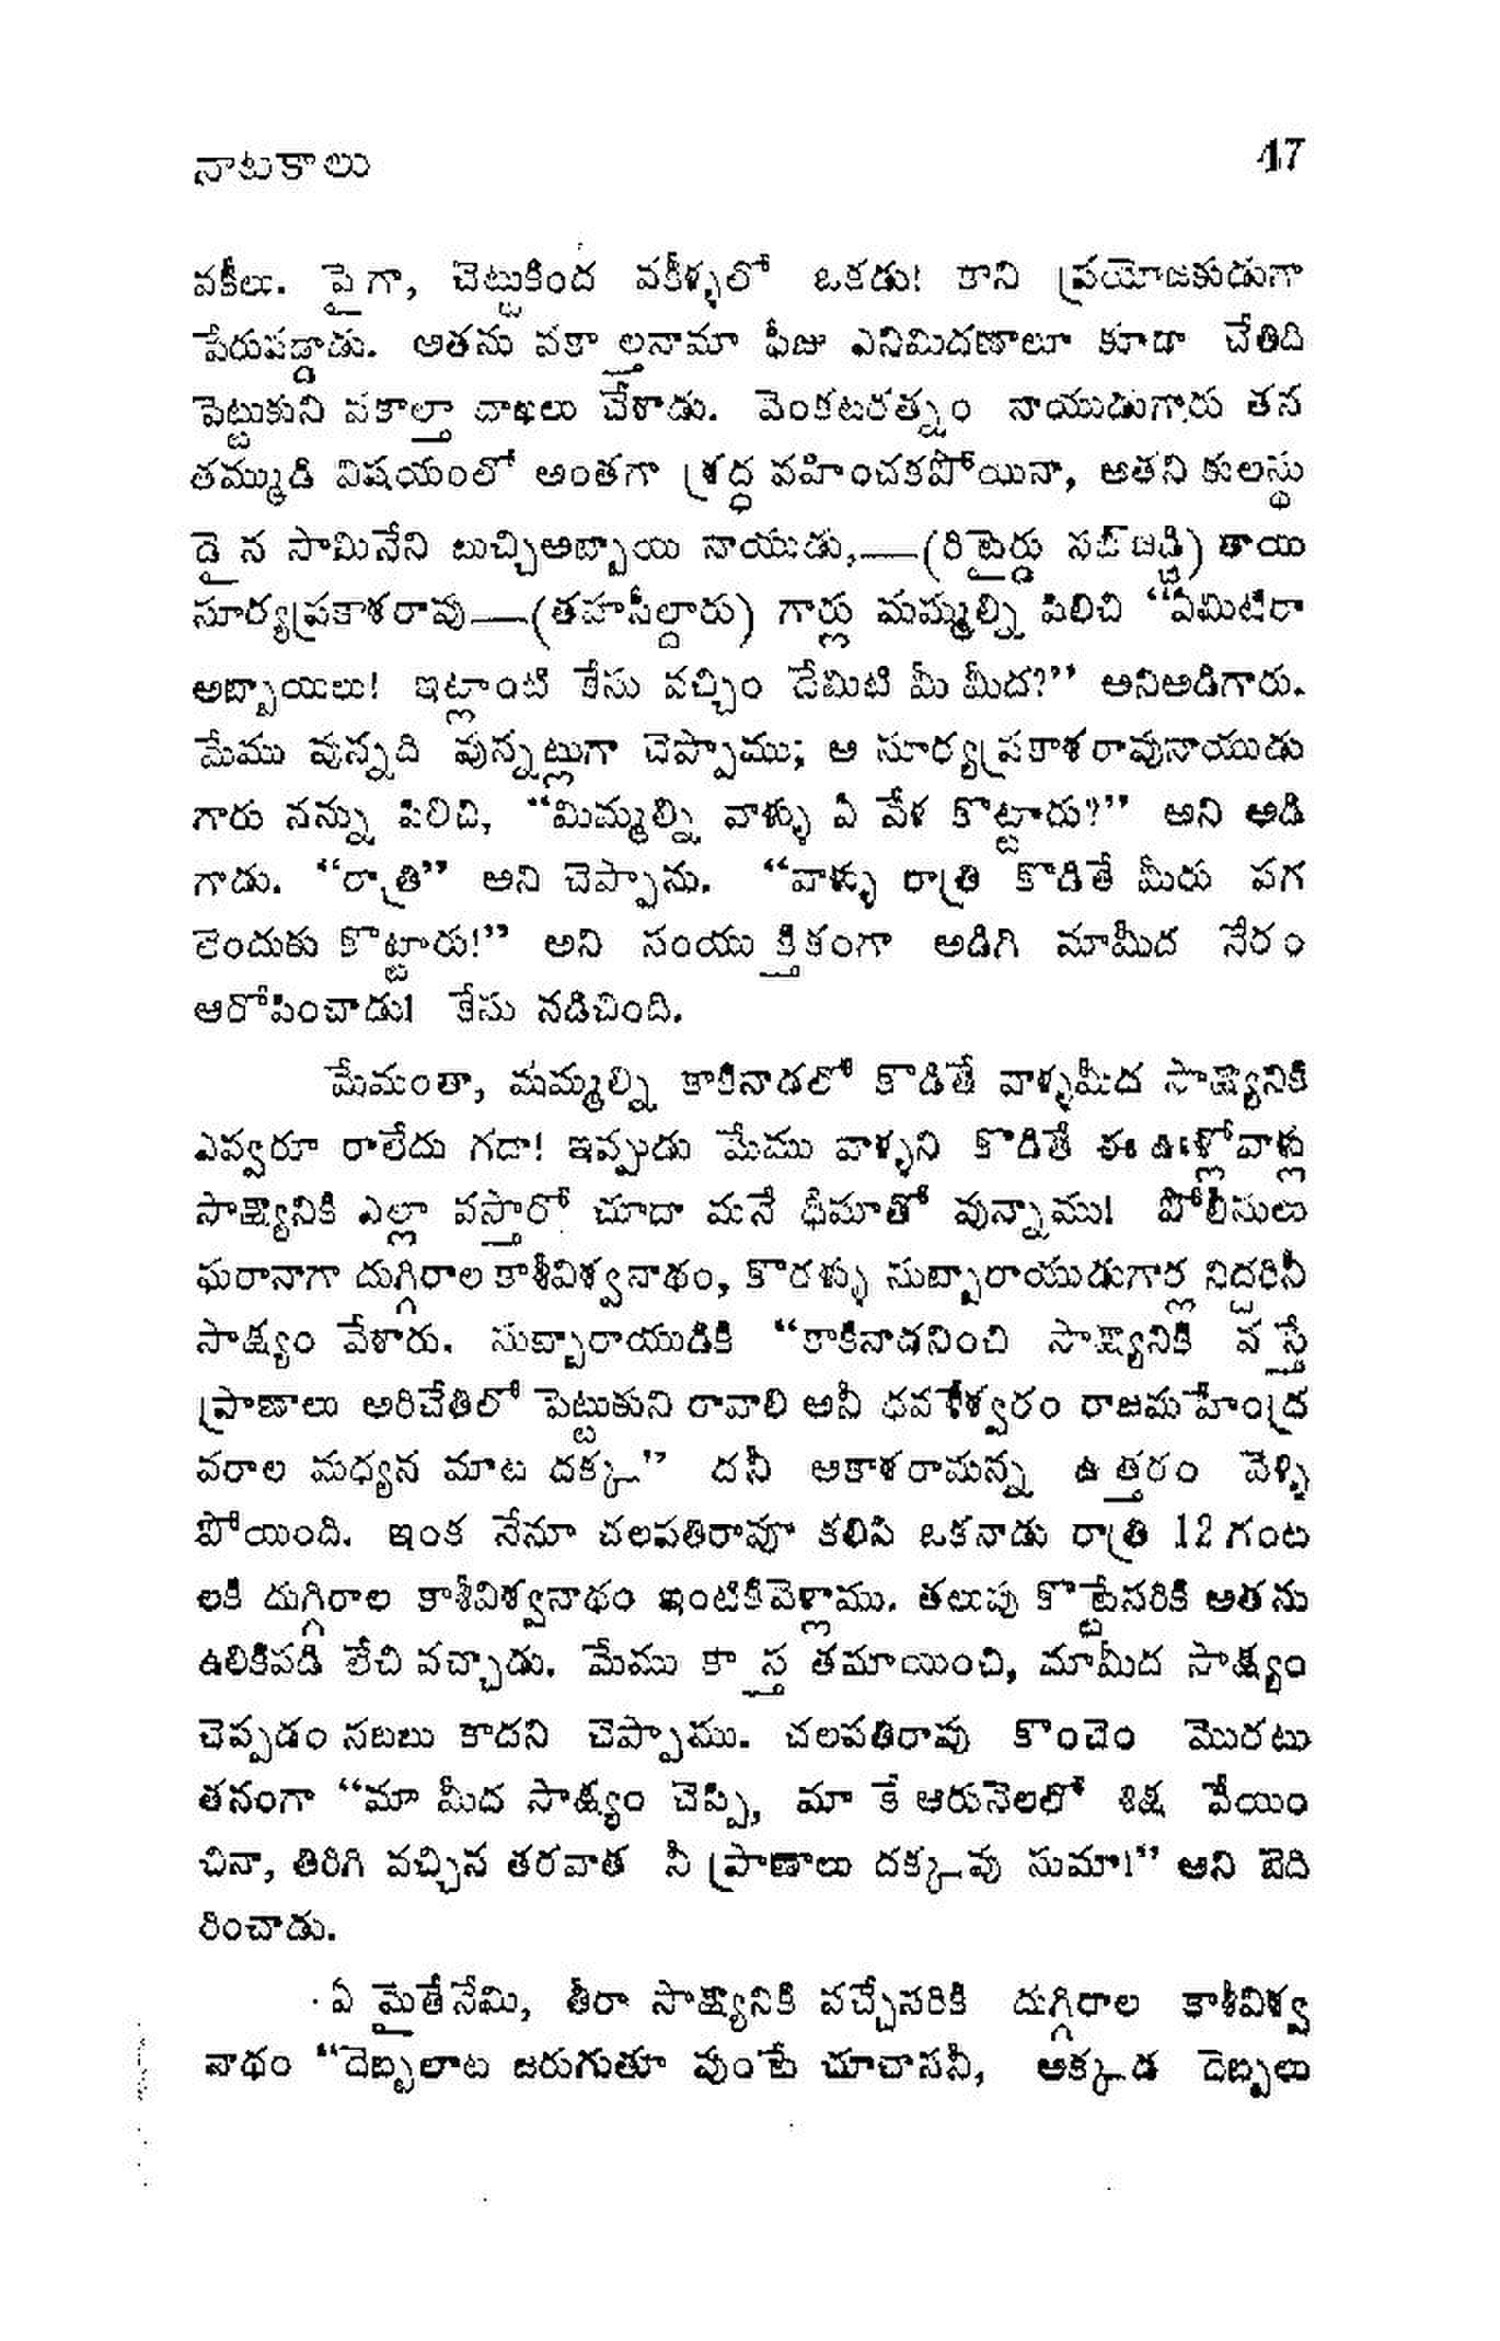వకీలు. పైగా, చెట్టుకింద వకీళ్ళలో ఒకడు! కాని ప్రయోజకుడుగా పేరుపడ్డాడు. అతను వకాల్తనామా ఫీజు ఎనిమిదణాలూ కూడా చేతిది పెట్టుకుని వకాల్తా దాఖలు చేశాడు. వెంకటరత్నం నాయుడుగారు తన తమ్ముడి విషయంలో అంతగా శ్రద్ధ వహించక పోయినా, అతని కులస్థుడైన సామినేని బుచ్చిఅబ్బాయి నాయుడు, - (రిటైర్డు సబ్‌జడ్జి) తాయి సూర్యప్రకాశరావు - (తహసీల్దారు) గార్లు మమ్మల్ని పిలిచి "ఏమిటిరా అబ్బాయిలు! ఇట్లాంటి కేసు వచ్చిం దేమిటి మీ మీద?" అని అడిగారు. మేము వున్నది వున్నట్లుగా చెప్పాము; ఆ సూర్యప్రకాశరావునాయుడుగారు నన్ను పిలిచి, "మిమ్మల్ని వాళ్ళు ఏ వేళ కొట్టారు?" అని అడిగాడు. "రాత్రి" అని చెప్పాను. "వాళ్ళు రాత్రి కొడితే మీరు పగలెందుకు కొట్టారు!" అని సంయుక్తికంగా అడిగి మామీద నేరం ఆరోపించాడు! కేసు నడిచింది.

మేమంతా, మమ్మల్ని కాకినాడలో కొడితే వాళ్ళమీద సాక్ష్యానికి ఎవ్వరూ రాలేదు గదా! ఇప్పుడు మేము వాళ్ళని కొడితే ఈ ఊళ్ళోవాళ్లు సాక్ష్యానికి ఎల్లా వస్తారో చూదా మనే ధీమాతో వున్నాము! పోలీసులు ఘరానాగా దుగ్గిరాల కాశీవిశ్వనాథం, కొరళ్ళు సుబ్బారాయుడుగార్ల నిద్దరినీ సాక్ష్యం వేశారు. సుబ్బారాయుడికి "కాకినాడనించి సాక్ష్యానికి వస్తే ప్రాణాలు అరిచేతిలో పెట్టుకుని రావాలి అనీ ధవళేశ్వరం రాజమహేంద్రవరాల మధ్యన మాట దక్క" దనీ ఆకాశరామన్న ఉత్తరం వెళ్ళి పోయింది. ఇంక నేనూ చలపతిరావూ కలిసి ఒకనాడు రాత్రి 12 గంటలకి దుగ్గిరాల కాశీవిశ్వనాథం ఇంటికివెళ్లాము. తలుపు కొట్టేసరికి అతను ఉలికిపడి లేచి వచ్చాడు. మేము కాస్త తమాయించి, మామీద సాక్ష్యం చెప్పడం సబబు కాదని చెప్పాము. చలపతిరావు కొంచెం మొరటు తనంగా "మా మీద సాక్ష్యం చెప్పి, మా కే ఆరునెలలో శిక్ష వేయించినా, తిరిగి వచ్చిన తరవాత నీ ప్రాణాలు దక్కవు సుమా!" అని బెదిరించాడు.

ఏ మైతేనేమి, తీరా సాక్ష్యానికి వచ్చేసరికి దుగ్గిరాల కాశీవిశ్వనాథం "దెబ్బలాట జరుగుతూ వుంటే చూచాననీ, అక్కడ దెబ్బలు